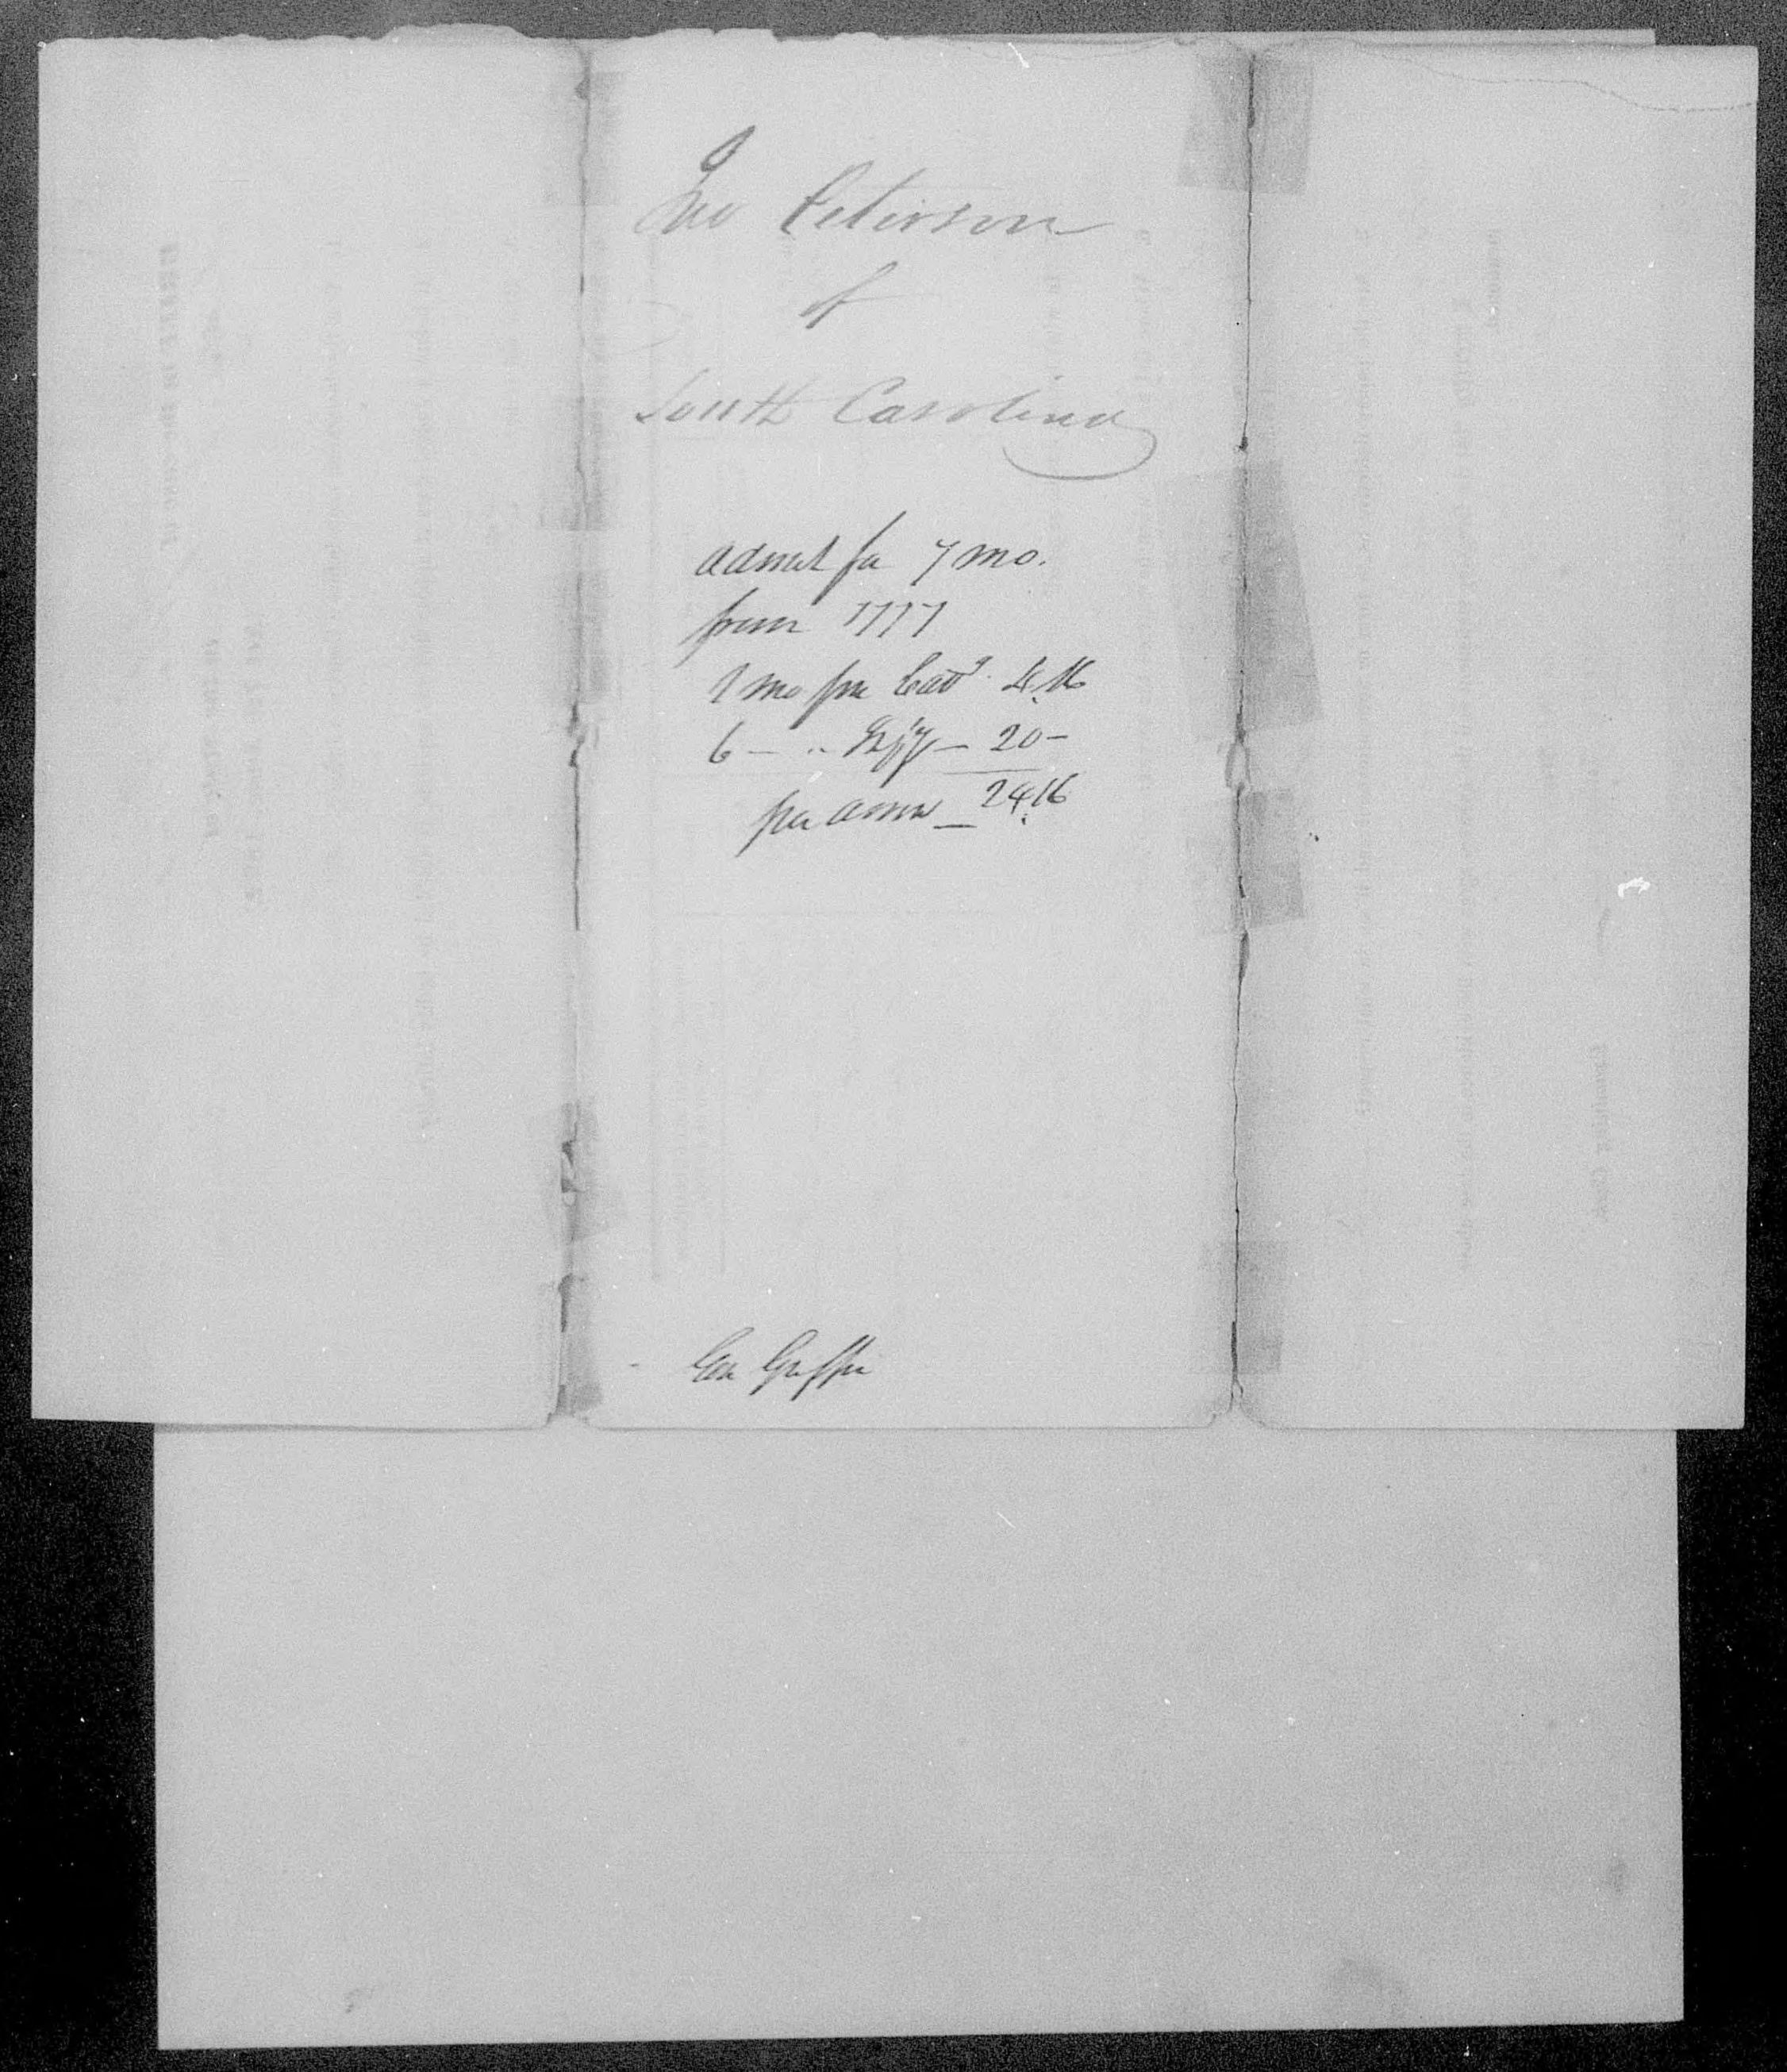John Peterson
of South Carolina
amot for 7 mos
from 1777
1 mon per  4 to 6 (illegible) 20-
per annum 24.16

Geo Griffin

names: Geo Griffie; Jno Peterson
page: 3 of 13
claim: survivor's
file: S. 9,456, for John Peterson, North Carolina